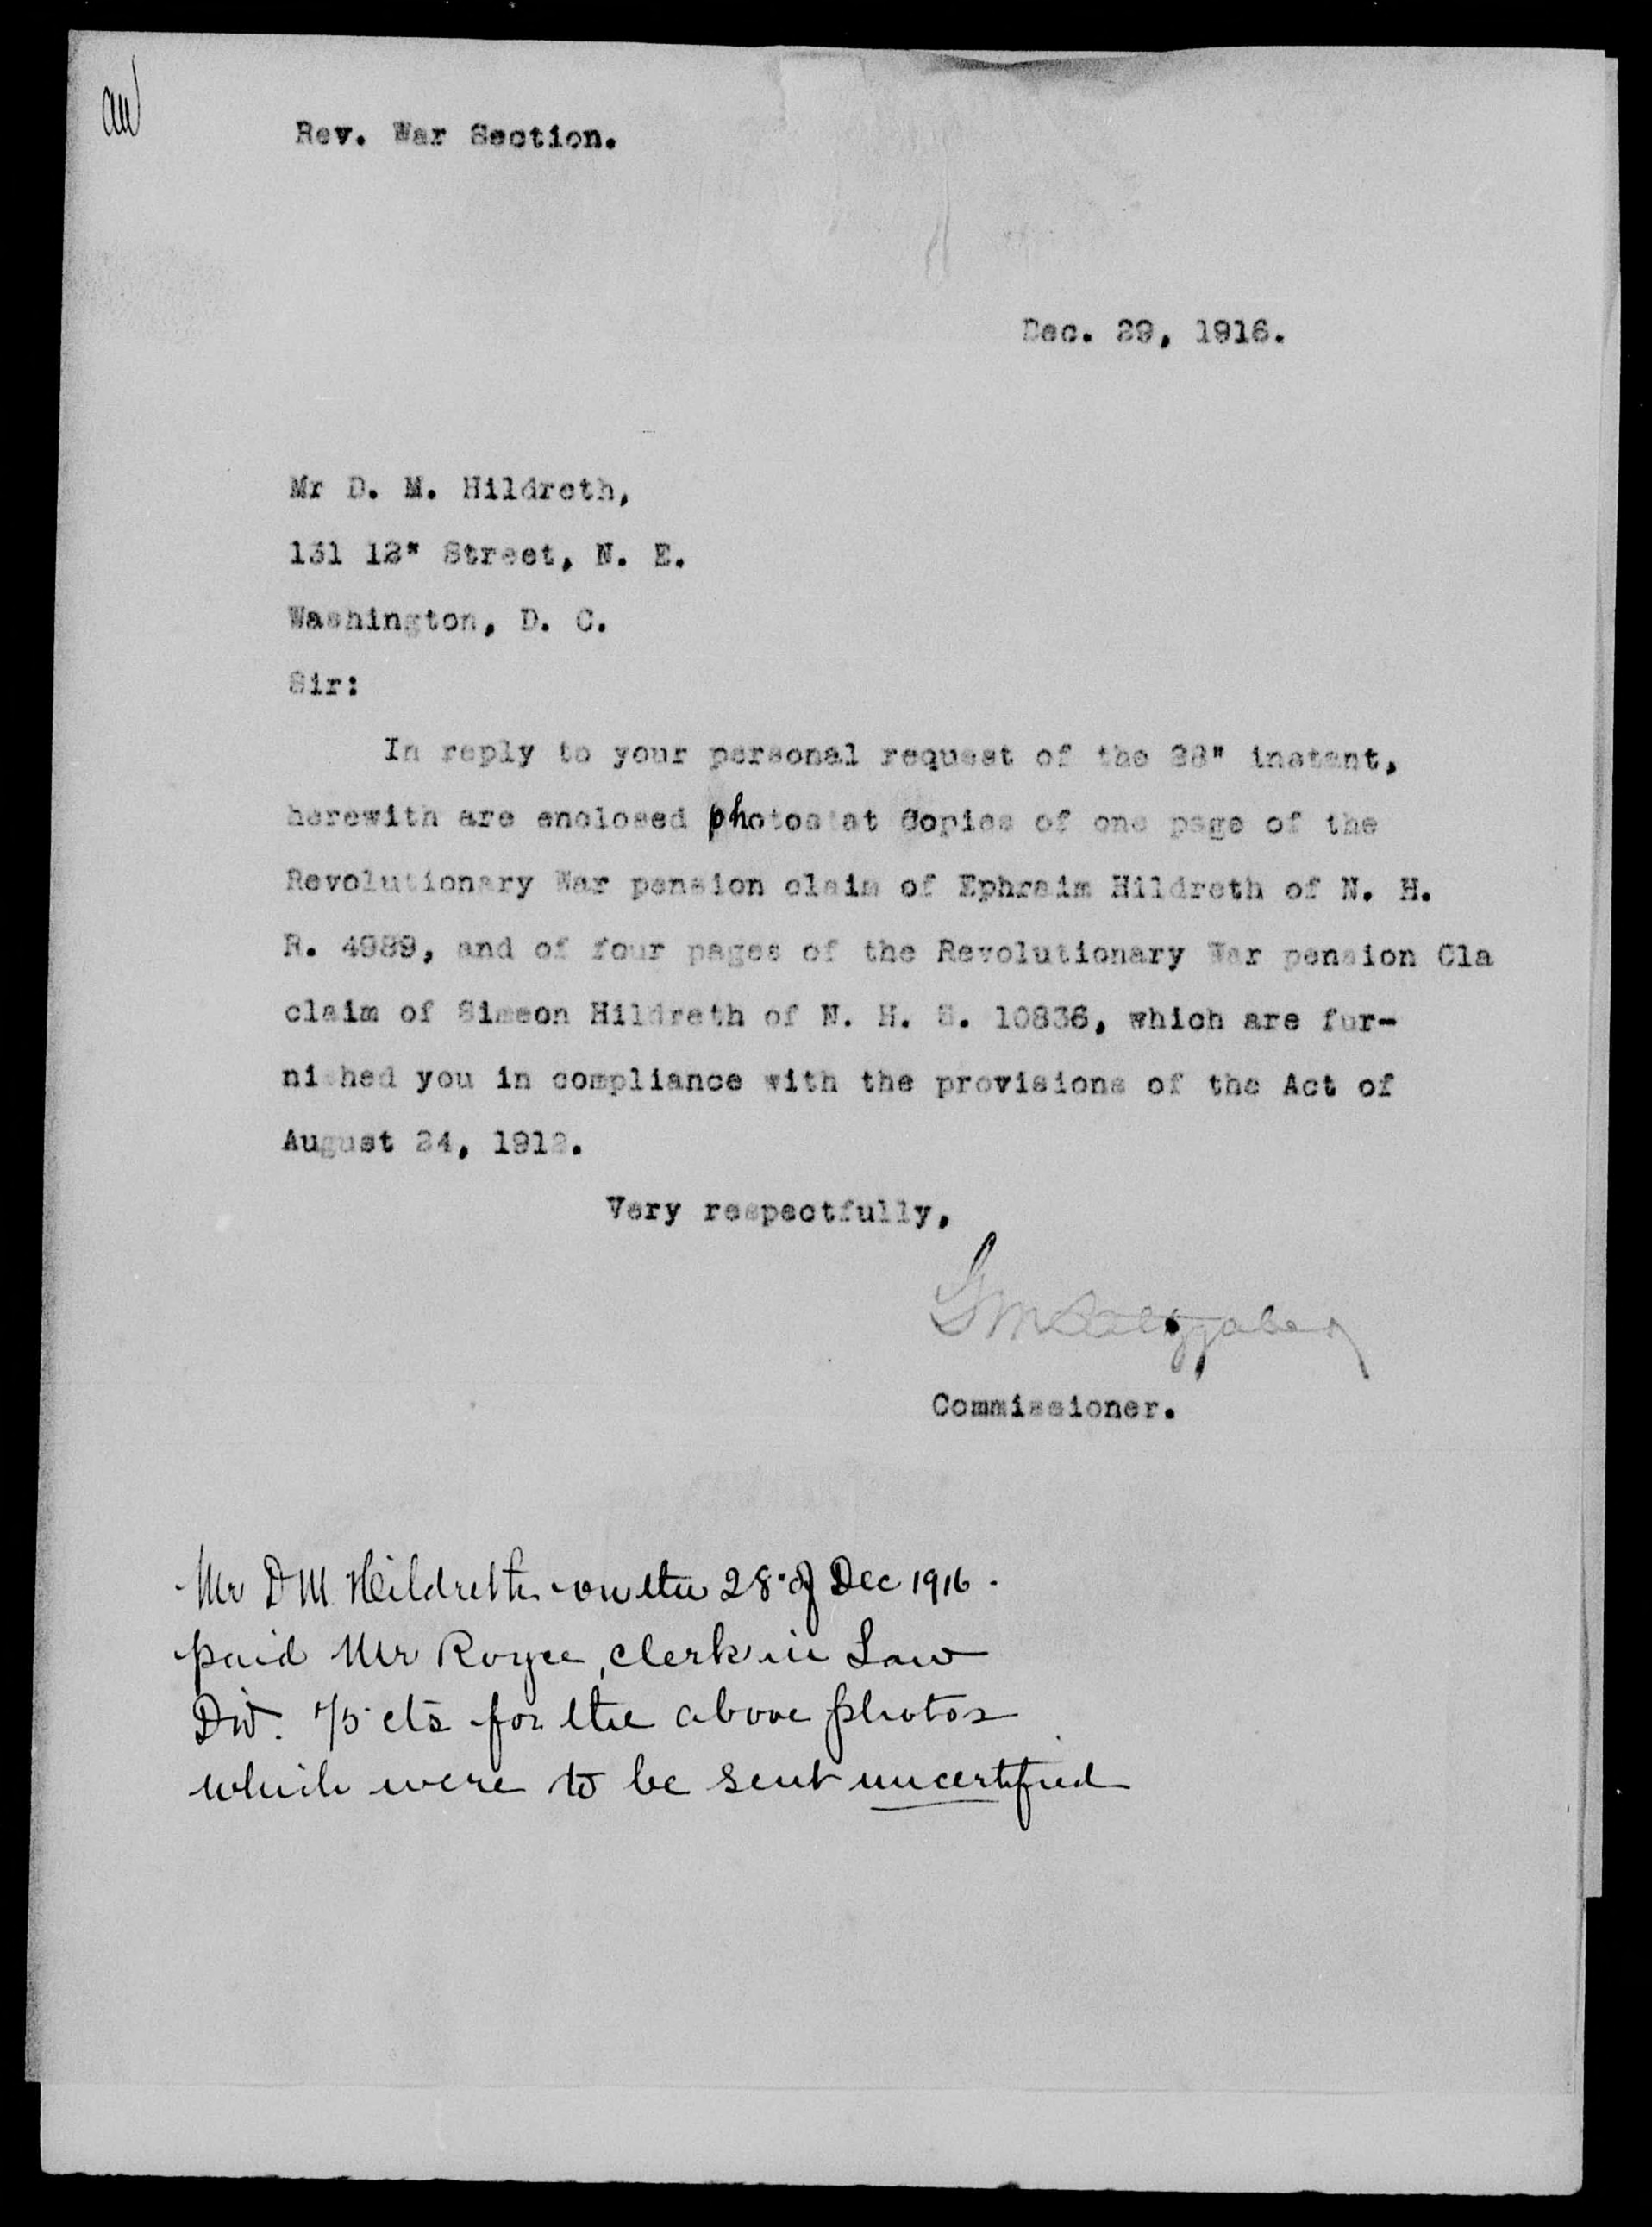Rev(olutionary). War Section.
 
Dec. 29, 1918.

Mr.  D. M. Hildreth,
131 12 Street, N. E.
Washington, D. C.
Sir:

In reply to your personal request of the 28" instant, herewith are enclosed photostat Copies of one page of the Revolutionary War pension claim of Ephraim Hildreth of N. H.
R. 4989, and of four pages of the Revolutionary War pension Cla? claim of Simeon Hildreth of N. H. S. 10836, which are furnished you in compliance with the provisions of the Act of August 24, 1912.

Very respectfully,
(signed) G. M. Saltzgaber
Commissioner,

Mr D.M. Hildreth on the 28 of Dec 1916
paid Mr Royce, Clerk in Law
Div.   70 cts for the above photos 
which were to be sent (underlined--uncertified)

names: G M Saltzgaber, D M Hildreth, Simeon Hildreth, Royce, Ephraim Hildreth, D M Hildreth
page: 9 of 17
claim: rejected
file: R. 4989, Ephraim Hildreth, N.H.